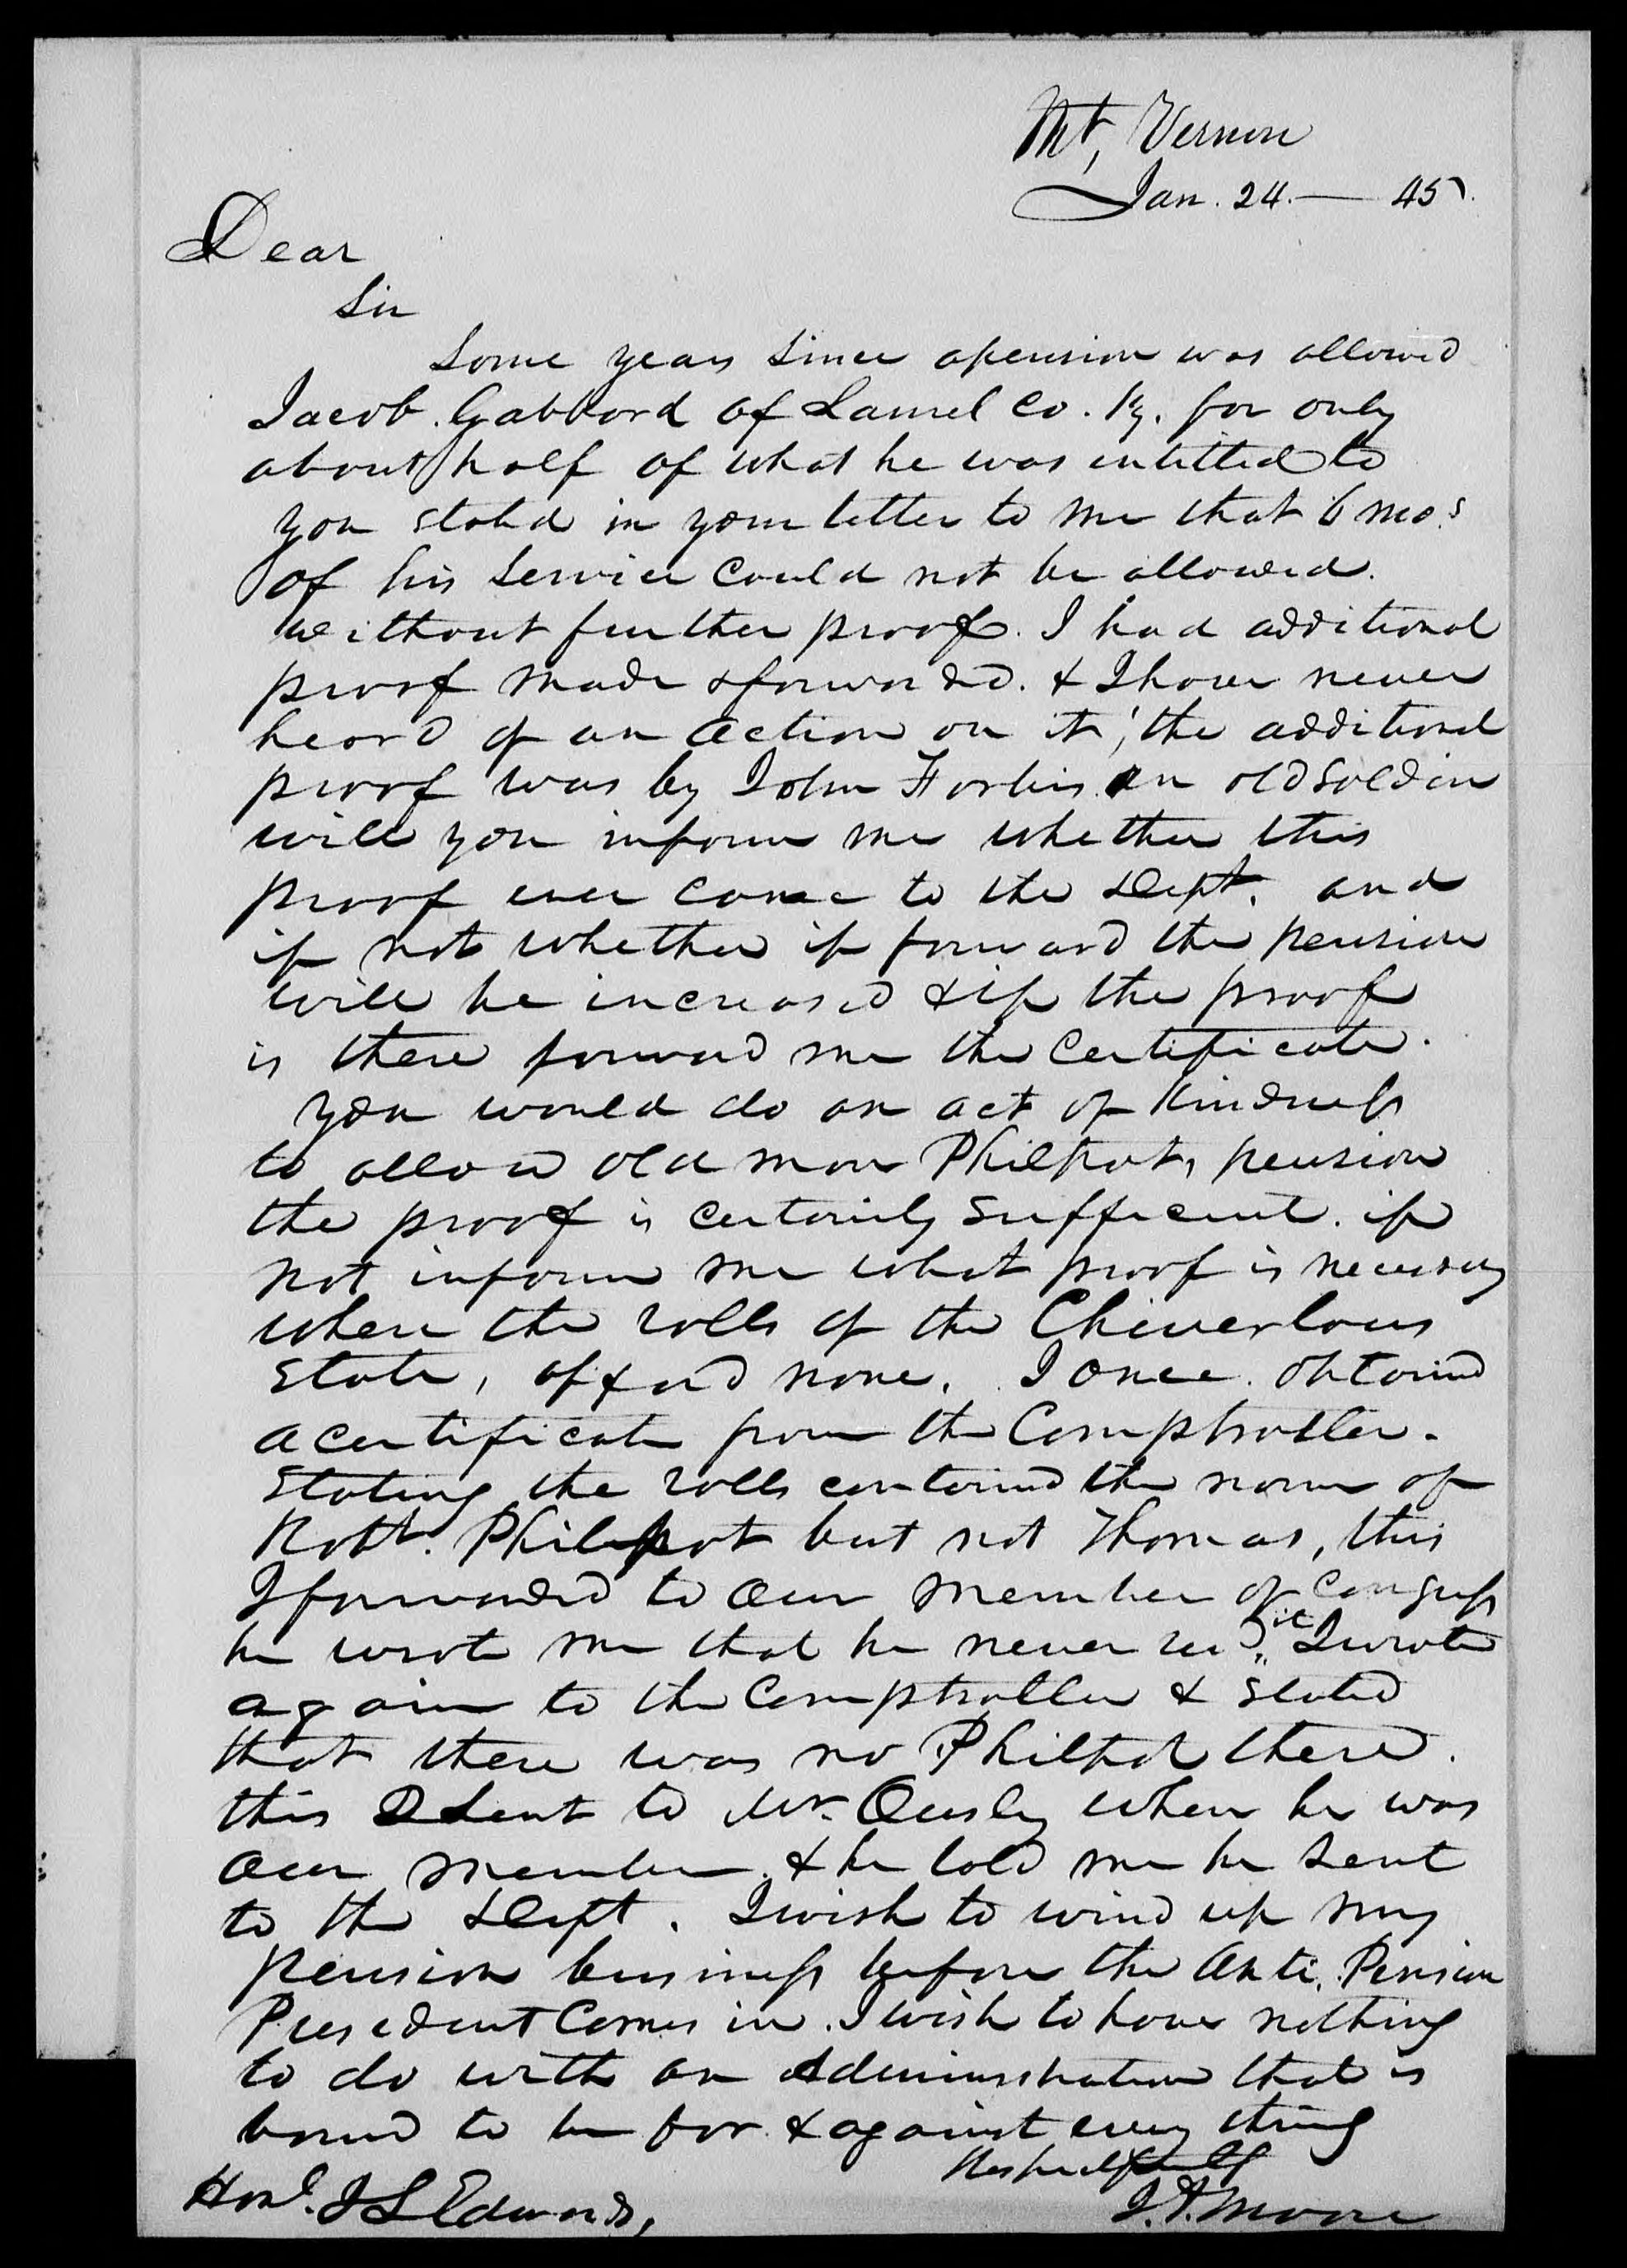Mt Vernon
Jan. 24.45
Dear Sir some years since a pension was allowed Jacob Gabbord of Laurel Co Ky. for only about half of what he was entitled to you stated in your letter to me that 6 mos of his service could not be allowed
without further proof. I had additional
proof made & forwarded & I have never heard of an action on it, the additional proof was by John Forbis an old soldier. will you inform me whether this proof ever came to the Dept. and if not whether if forward the pension will be increased & if the proof is there forward me the certificate.
you would do an act of kindness
to allow old man Philpot, pension
the proof is certainly sufficient if
not inform me what proof is necessary
when the rolls of the Chiverlous
State afford none, I once obtained
a certificate from the Comptroller
stating the rolls contained the name of Robt. Philpot but not Thomas, this I
forwarded to our member of Congress. he wrote me that he never wrote again to the Comptroller & stated that there was no Philpot there. this I sent to Mr Owsley when he was our member & he told me he sent to the Dept. I wish to wind up my
pension business before the Anti Pension President comes in. I wish to have nothing to do with an Administration that is bound to be for & against every thing
Respectfully
J. A. MooreHonl J L Edwards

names: J A Moore; J L Edwards; Thomas [BLANK]; Robt Philpot; Jacob Gabbord; John Forbis; [BLANK] Owsley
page: 43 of 43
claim: rejected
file: R. 8217, for Thomas Philpot, South Carolina